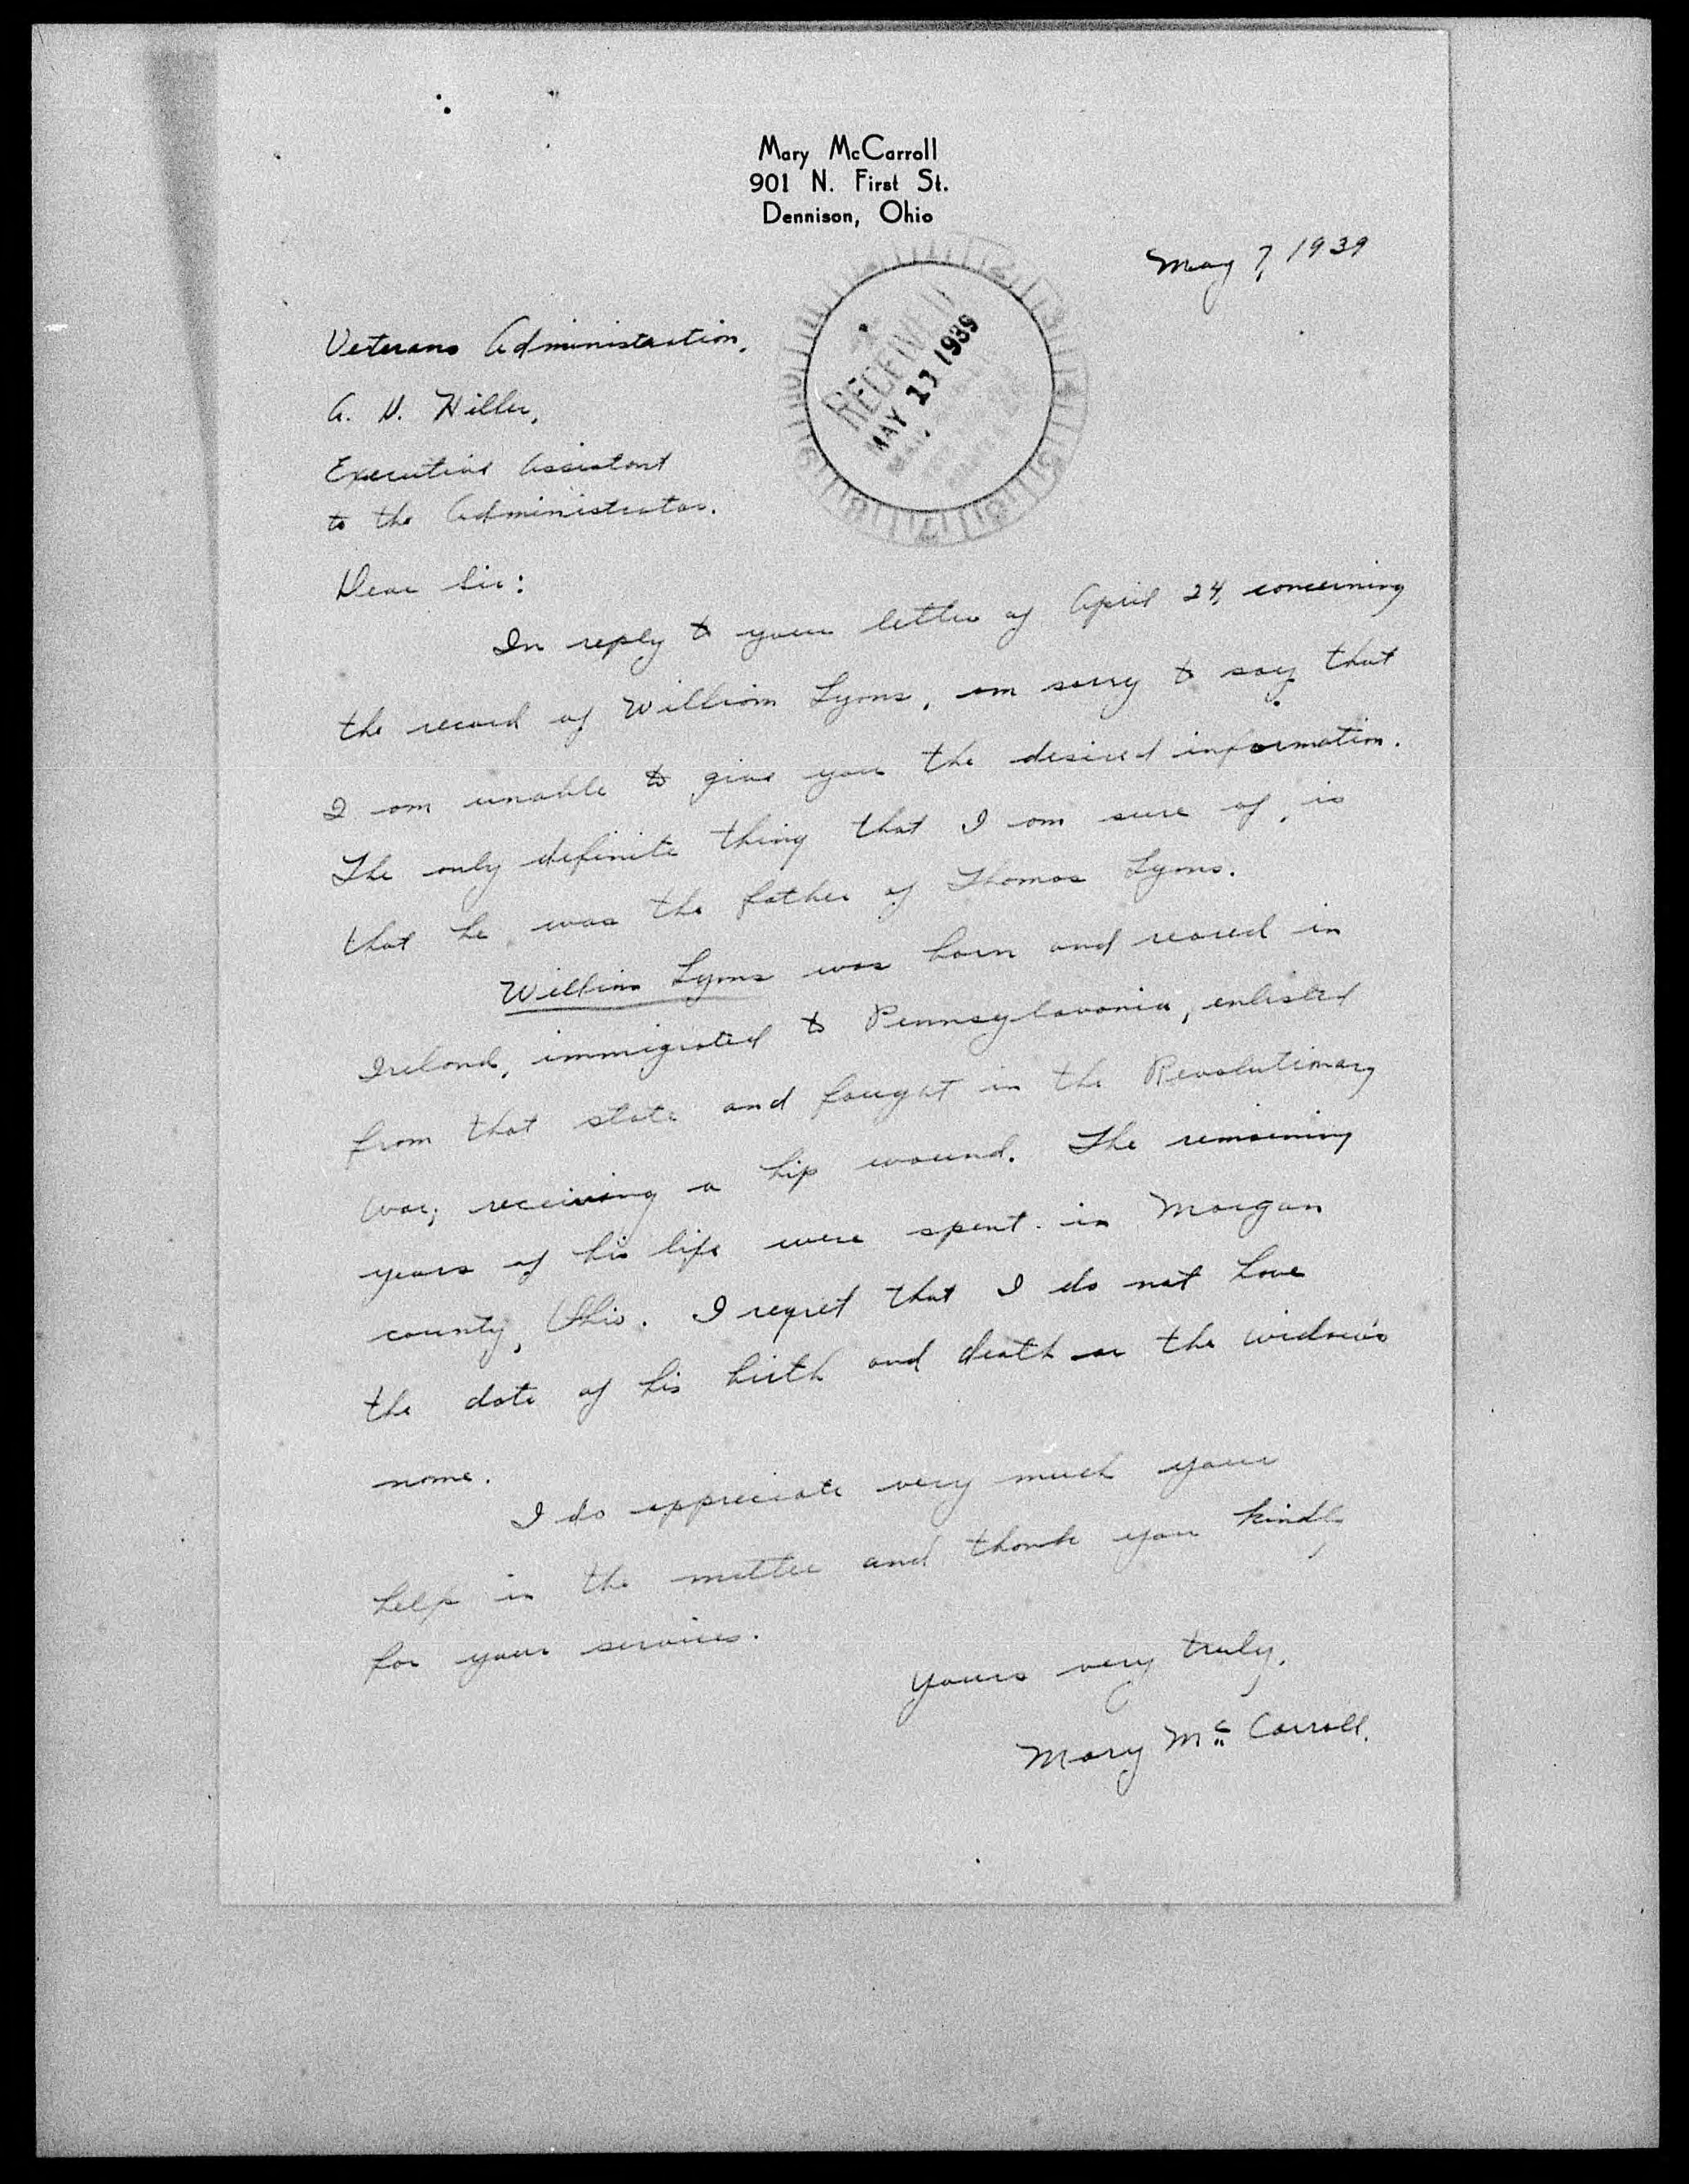Mary McCarroll
901 First St.
Dennison, Ohio
May 7, 1939
Veterans Administration
G.G. Hiller
Executive Assistant to the Administration
(SEAL-Received May 12, 1939)

Dear Sir:
In reply to your letter of April 24, concerning the record of William Lyons, am sorry to say that I am unable to give you the desired information . The only definite thing that I am sure of is that he was the father of Thomas Lyons. William Lyons was born and reared in Ireland, immigrated to Pennsylvania, whilst from that state and fought in thi Revolutionary War; receiving a hip wound. the remaining years of his life were spent in Morgan County, this I regret that I do not have the dates on his birth and death on the widows name. I do appreciate very much your help in the matter and thank you kindly for your services.
Yours very truly, 
Mary Mc Carroll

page: 20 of 41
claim: survivor's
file: S. 4585, for William Lyons, Pennsylvania